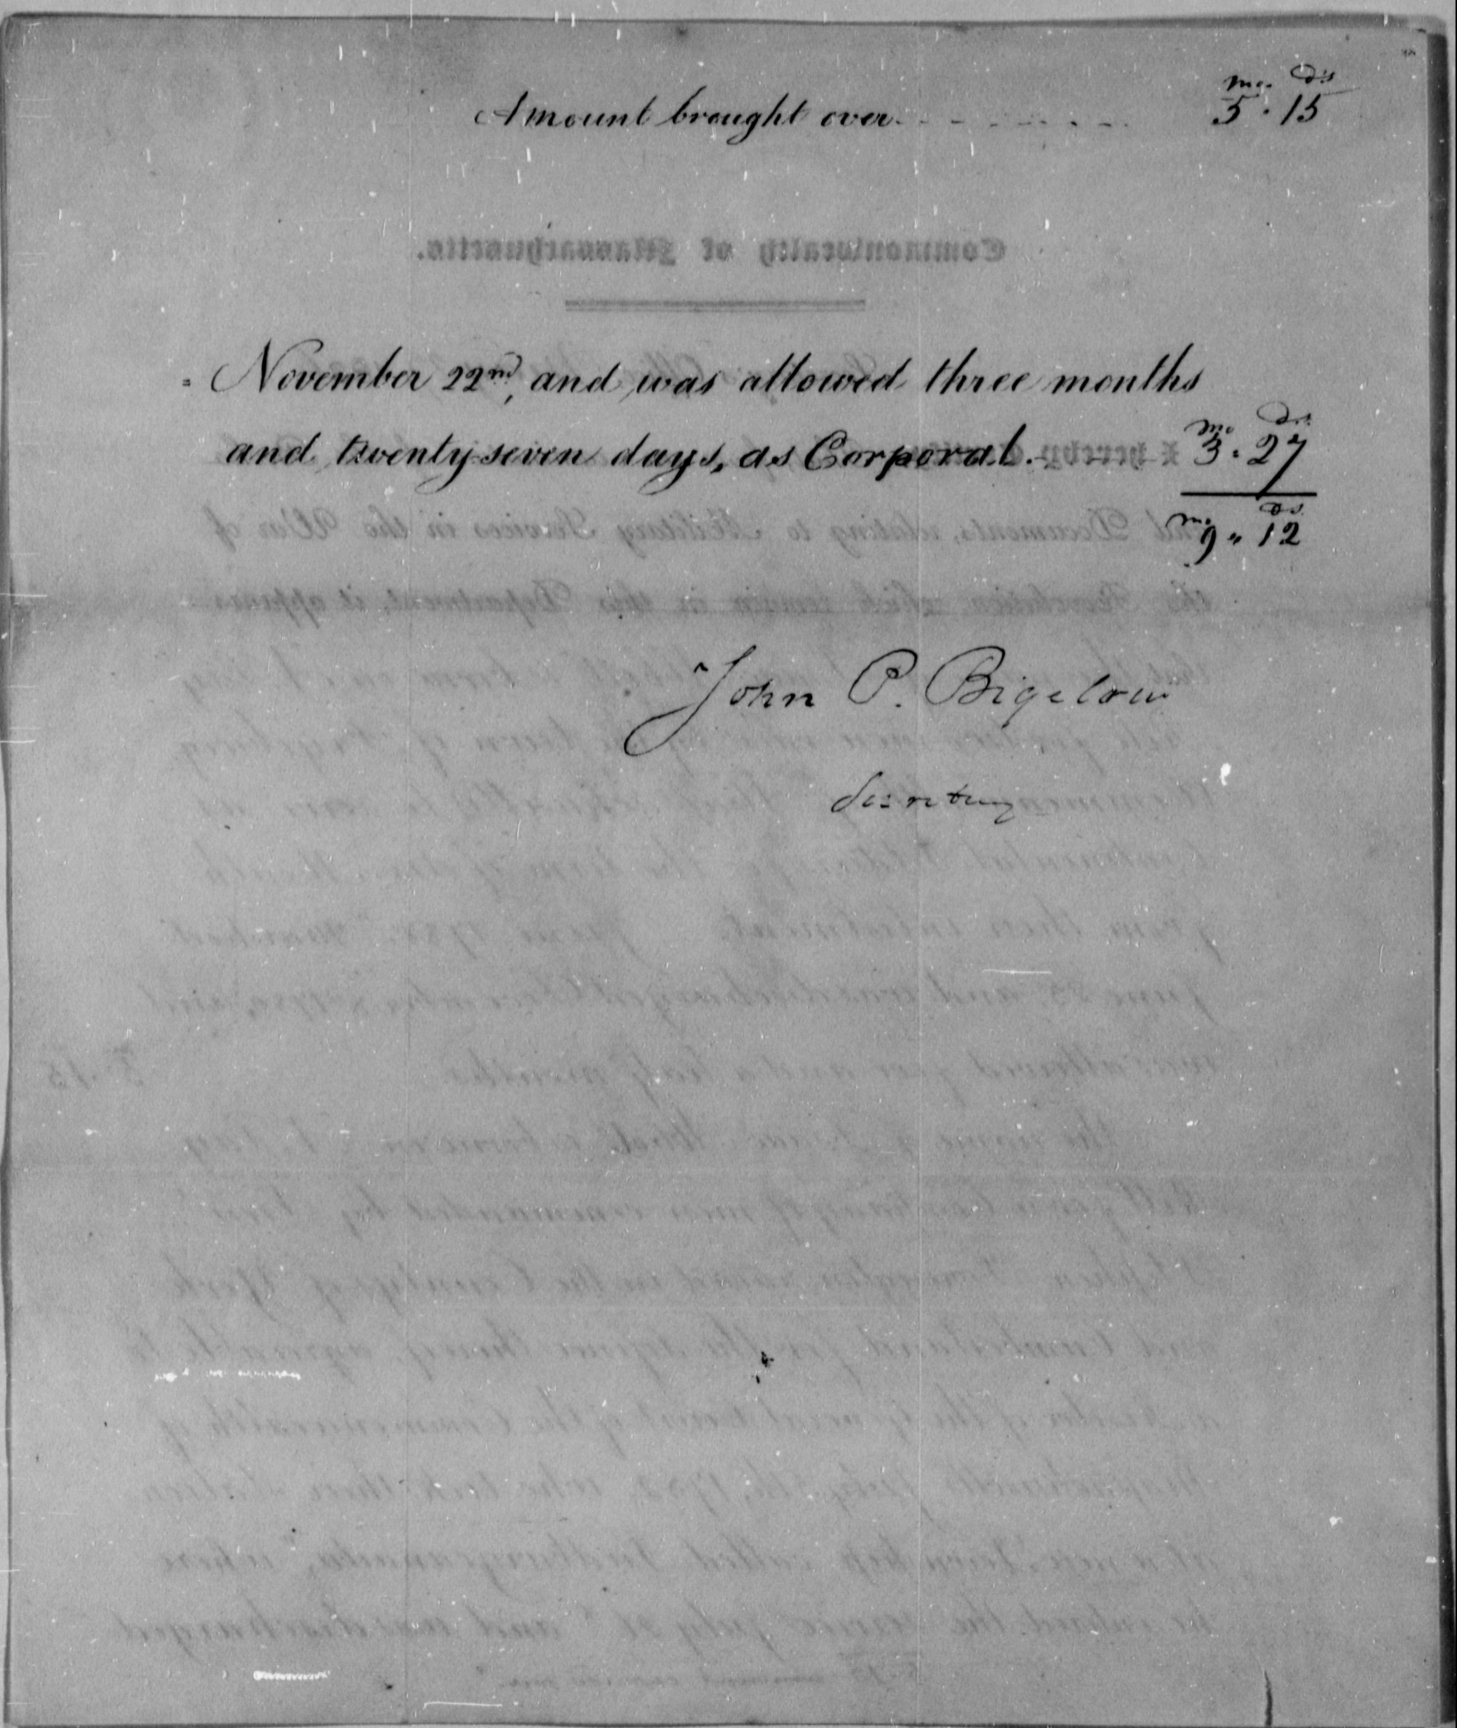...
November 22nd, and was allowed three months and twenty-seven days, as Corporal.
3(mo.).27(ds.)
__________
9(mo.).12(ds.)

[SINGED: John P. Bigelow]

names: John P Bigelow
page: 50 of 86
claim: survivor's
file: S 29,568, Isaac Abbot, Mass